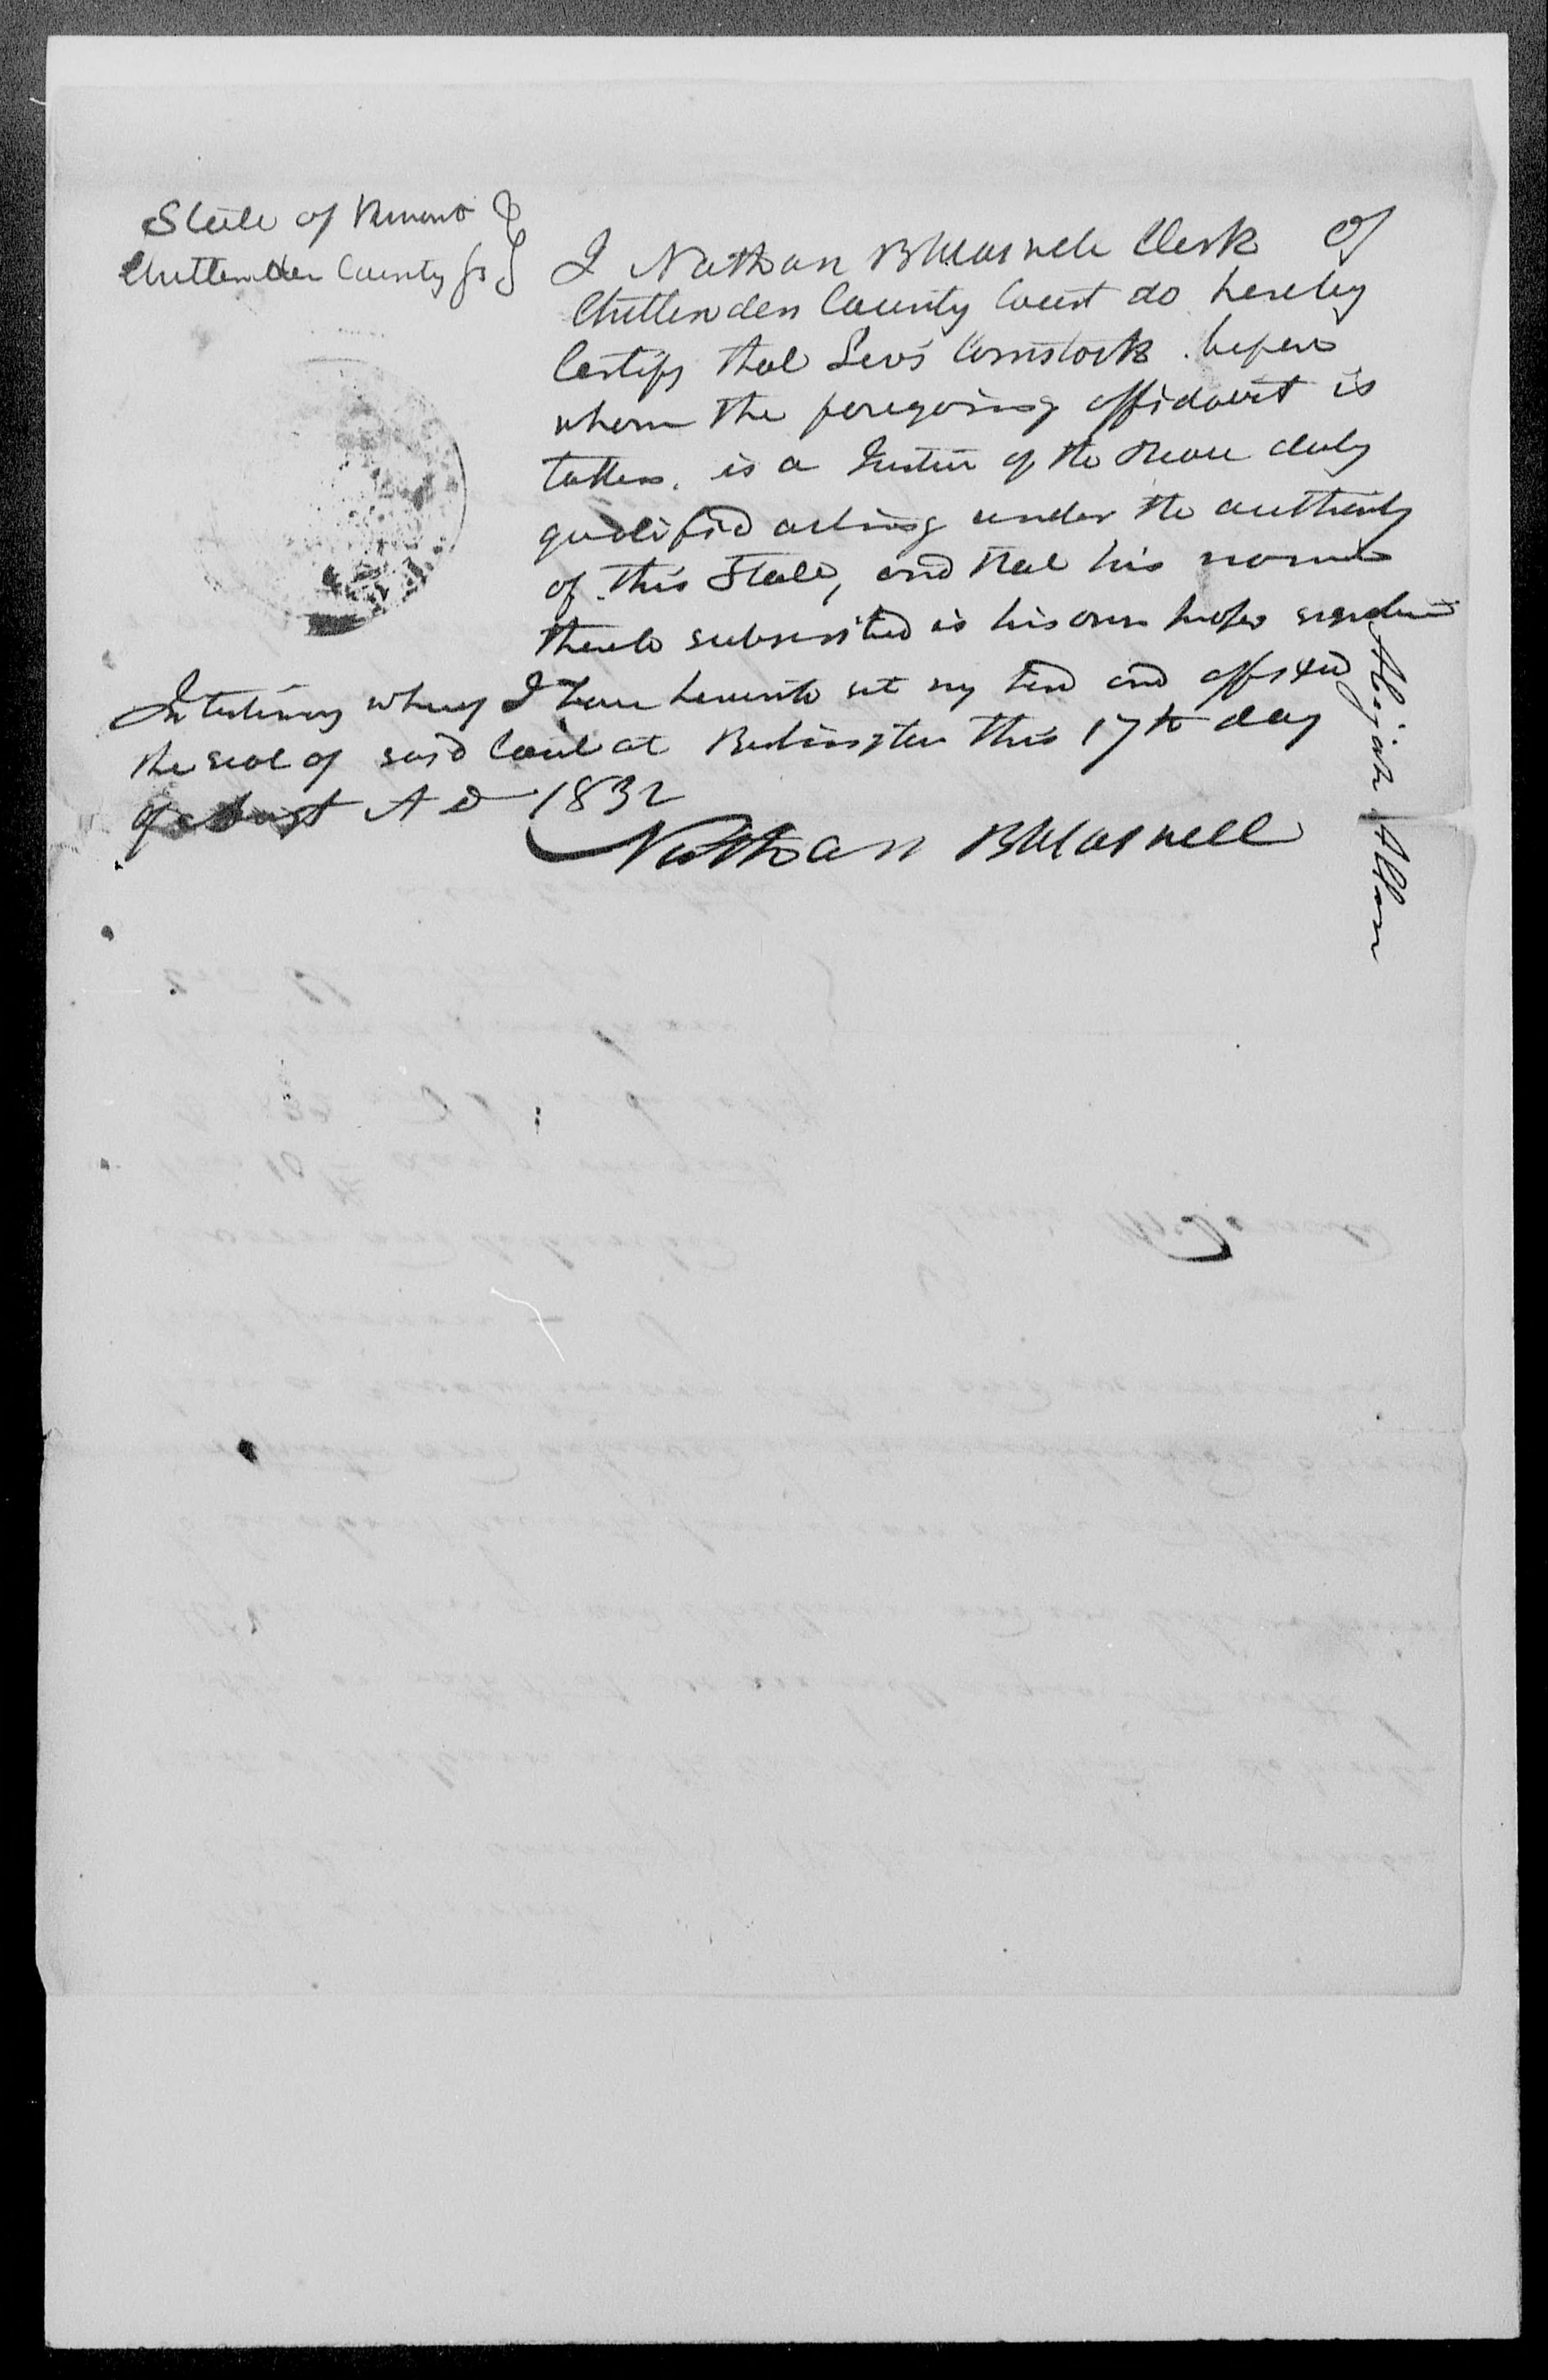State of Vermont 
Chittenden County SS
I Nathan B Maswell Clerk of Chittenden County Court do hereby certify that Levi Comstock before whom the foregoing affidavit is taken is a Justice of the Peace duly qualified acting under the authority of this State, and that his name thereto subscribed is his own proper signature.
In testimony [illegible] I have hereunto set my hand and affixed the seal of said Court at Burlington this 17th day of Augt AD 1832
Nathan B Maswell

Abijah Allen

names: Levi Comstock, Nathan B Maswell, Nathan B Maswell, Abijah Allen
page: 19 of 21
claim: survivor's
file: S. 15356, Abijah Allen, Mass.